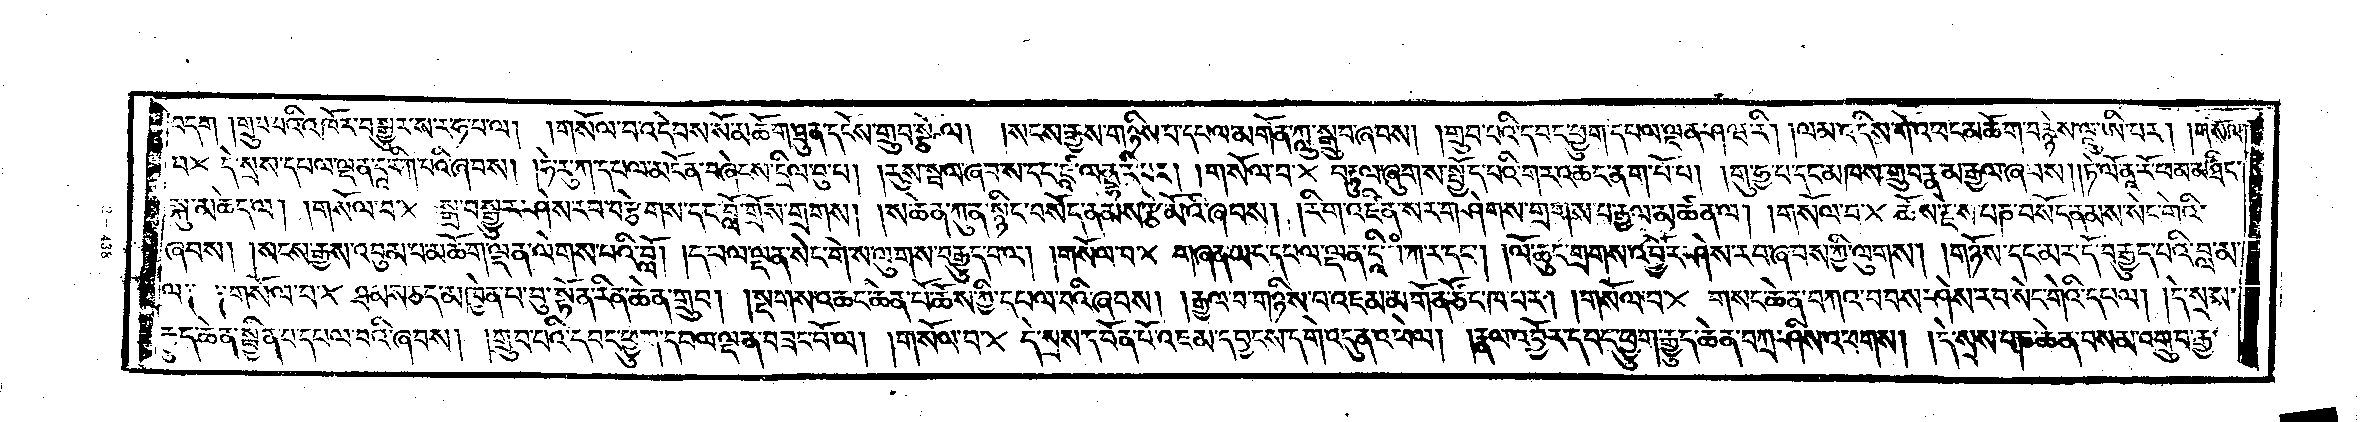བདག །གྲུབ་པའི་འཁོར་བསྒྱུར་ས་ར་ཧ་པ་ལ། །གསོལ་བ་འདེབས་སོ་མཆོག་ཐུན་དངོས་གྲུབ་སྩོལ། །སངས་རྒྱས་གཉིས་པ་དཔལ་མགོན་ཀླུ་སྒྲུབ་ཞབས། །གྲུབ་པའི་དབང་ཕྱུག་དཔལ་ལྡན་ཤ་ཝ་རི། །ལམ་འདིས་གོ་འཕང་མཆོག་བརྙེས་ལཱུ་ཨི་བར། །གསོལ་
བ་྾་དེ་སྲས་དཔལ་ལྡན་དཱ་རི་ཀ་པའི་ཞབས། །ཧེ་རུ་ཀ་དཔལ་མངོན་བཞེངས་དྲིལ་བུ་པ། །རུས་སྦལ་ཞབས་དང་ཛཱ་ལནྡྷ་རི་པར། །གསོལ་བ་྾་བརྟུལ་ཞུགས་སྤྱོད་པའི་གར་འཆང་ནག་པོ་ལ། །གུ་ཧྱ་པ་དང་མཁས་གྲུབ་རྣམ་རྒྱལ་ཞབས། །ཏེ་ལོ་ནཱ་རོ་ཕམ་མཐིང་
སྐུ་མཆེད་ལ། །གསོལ་བ་྾་སྒྲ་བསྒྱུར་ཤེས་རབ་བརྩེགས་དང་བློ་གྲོས་གྲགས། །ས་ཆེན་ཀུན་སྙིང་བསོད་ནམས་རྩེ་མོའི་ཞབས། །རིག་འཛིན་སར་གཤེགས་གྲགས་པ་རྒྱལ་མཚན་ལ། །གསོལ་བ་྾་ཆོས་རྗེས་པཎ་བསོད་ནམས་སེང་གེའི་
ཞབས། །སངས་རྒྱས་འབུམ་པ་མཆོག་ལྡན་ལེགས་པའི་བློ། །དཔལ་ལྡན་སེང་གེ་པ་ལུགས་བརྒྱུད་པ་ལ། །གསོལ་བ་྾་གཞན་ཡང་དཔལ་ལྡན་དཱི་ལཾ་ཀ་ར་དང་། །ལོ་ཆུང་གྲགས་འབྱོར་ཤེས་རབ་ཞབས་ཀྱི་ལུགས། །གཉོས་དང་མར་དོ་བརྒྱུད་པའི་བླ་མ་
ལ༑ ༑གསོལ་བ་྾་ཐམས་ཅད་མཁྱེན་པ་བུ་སྟོན་རིན་ཆེན་གྲུབ། །སྔགས་འཆང་ཆེན་པོ་ཆོས་ཀྱི་དཔལ་བའི་ཞབས། །རྒྱལ་བ་གཉིས་པ་འཇམ་མགོན་ཙོང་ཁ་པར། །གསོལ་བ་྾་གསང་ཆེན་བཀའ་བབས་ཤེས་རབ་སེང་གེའི་དཔལ། །དེ་སྲས་
རྒྱུད་ཆེན་སྦྱིན་པ་དཔལ་བའི་ཞབས། །གྲུབ་པའི་དབང་ཕྱུག་དཔལ་ལྡན་བཟང་པོ་ལ། །གསོལ་བ་྾་དེ་སྲས་དབོན་པོ་འཇམ་དབྱངས་དགེ་འདུན་འཕེལ། །རྣལ་འབྱོར་དབང་ཕྱུག་རྒྱུད་ཆེན་བཀྲ་ཤིས་འཕགས། །དེ་སྲས་པཎ་ཆེན་བསམ་འགྲུབ་རྒྱ་